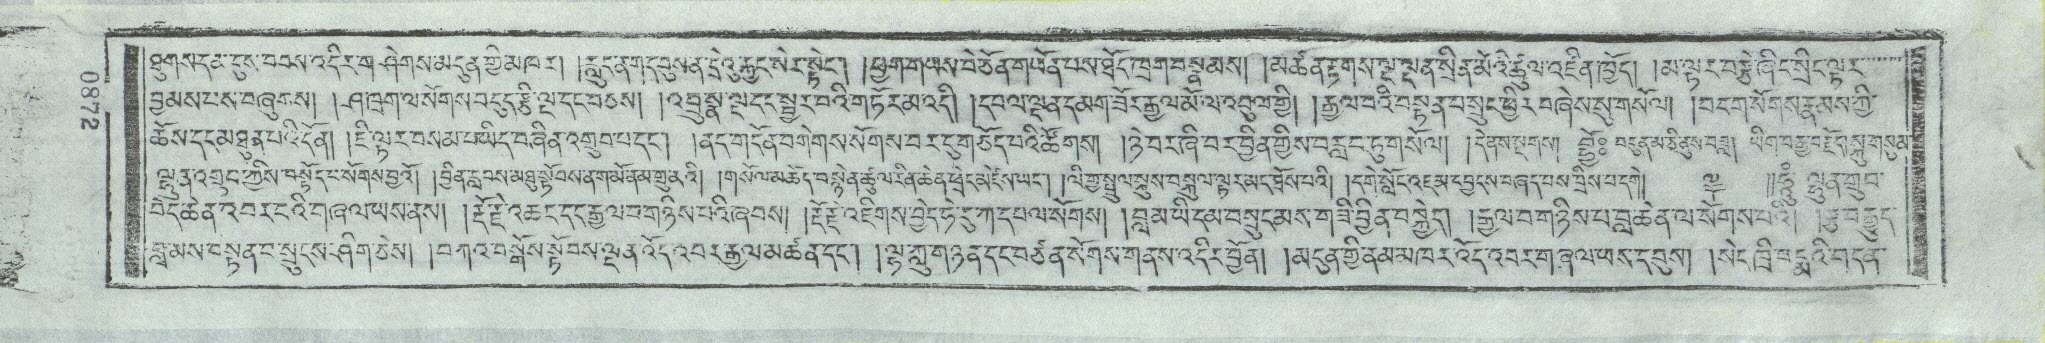ཐུགས་དན་དུས་བབས་འདིར་གཤེགས་མདུན་གྱི་མཁར། །རླུང་ནག་དབུས་ན་དྲེའི་རྐྱང་སེར་སྟེང་། །ཕྱག་གཡས་བེ་ཅོན་གཡོན་པས་ཐོད་ཁྲག་བསྣམས། །མཚན་རྟགས་ལྔ་ལྡན་སྲིན་མོའི་ཚུལ་འཛིན་ཁྱོད། །མ་ལྟར་བརྩེ་ཞིང་སྲིང་ལྟར་
བྱམས་པས་བཞུགས། །ཤ་ཁྲག་ལ་སོགས་བདུད་རྩི་ལྔ་དང་བཅས། །འབྲུ་སྣ་ལྔ་དང་སྦྱར་བའི་གཏོར་མ་འདི། །དཔལ་ལྡན་མག་ཟོར་རྒྱལ་མོ་ལ་འབུལ་གྱི། །རྒྱལ་བའི་བསྟན་པ་སྲུང་ཕྱིར་བཞེས་སུ་གསོལ། །བདག་སོགས་རྣམས་ཀྱི་
ཆོས་དང་མཐུན་པའི་དོན། །ཇི་ལྟར་བསམ་བ་ཡིད་བཞིན་འགྲུབ་པ་དང་། །ནད་གདོན་བགེགས་སོགས་བར་དུ་གཅོད་པའི་ཚོགས། །ཉེ་བར་ཞི་བར་བྱིན་གྱིས་བརླབ་ཏུ་གསོལ། །དེ་ནས་སྡགས། བྷྱོཿ བདུན་མ་ཅི་ནུས་བཟླ། ཡིག་བརྒྱ་བརྗོད། སྐུ་གསུམ་
ལྷུན་འགྲུབ་ཀྱིས་བསྟོད་པ་སོགས་བྱའོ། །བྱིན་རླབས་ཡུ་སྟོབས་ནག་མོ་ནམ་གྲུ་མའི། །གསོལ་མཆོད་བསྙེན་ཚུལ་རིན་ཆེན་ཕྲེང་མངོས་ཡང་། །ལི་གྱ་སྐུས་བསྐུལ་ལྟར་མང་ཐོས་པའི། །དགེ་སློང་འཇམ་དབྱངས་བཞད་པས་བྲིས་ད་དགེ།། ༈ །།ཧཱུཾ་ལྷུན་གྲུབ་
བོད་ཆེན་འབར་བའི་གཞལ་ཡས་ན།ས་།རྡོ་རྗེ་འཆང་དང་རྒྱལ་བ་གཉིས་པའི་ཞབས། །རྡོ་རྗེ་འཇིགས་བྱེད་ཧེ་རུ་ཀ་དཔལ་སོགས། །བླ་མ་ཡི་དམ་བསྲུང་མས་གཟི་བྱིན་བསྐྱེད། །རྒྱལ་བ་གཉིས་པ་བླ་ཆེན་ལ་སོགས་པའི། །རྩ་བརྒྱུད་
བླ་མས་བསྟན་བ་སྲུངས་ཤིག་ཅེས། །བཀའ་བསྒོས་སྟོབས་ལྡན་འོད་འབར་རྒྱལ་མཚན་དང་། །ལྷ་ཀླུ་གཉན་དང་བཙན་སོགས་གནས་འདིར་བྱོན། །མདུན་གྱི་ནམ་མཁར་འོད་འབར་གཞལ་ཡས་དབུས། །སེད་ཁྲི་པདམའི་གདན་